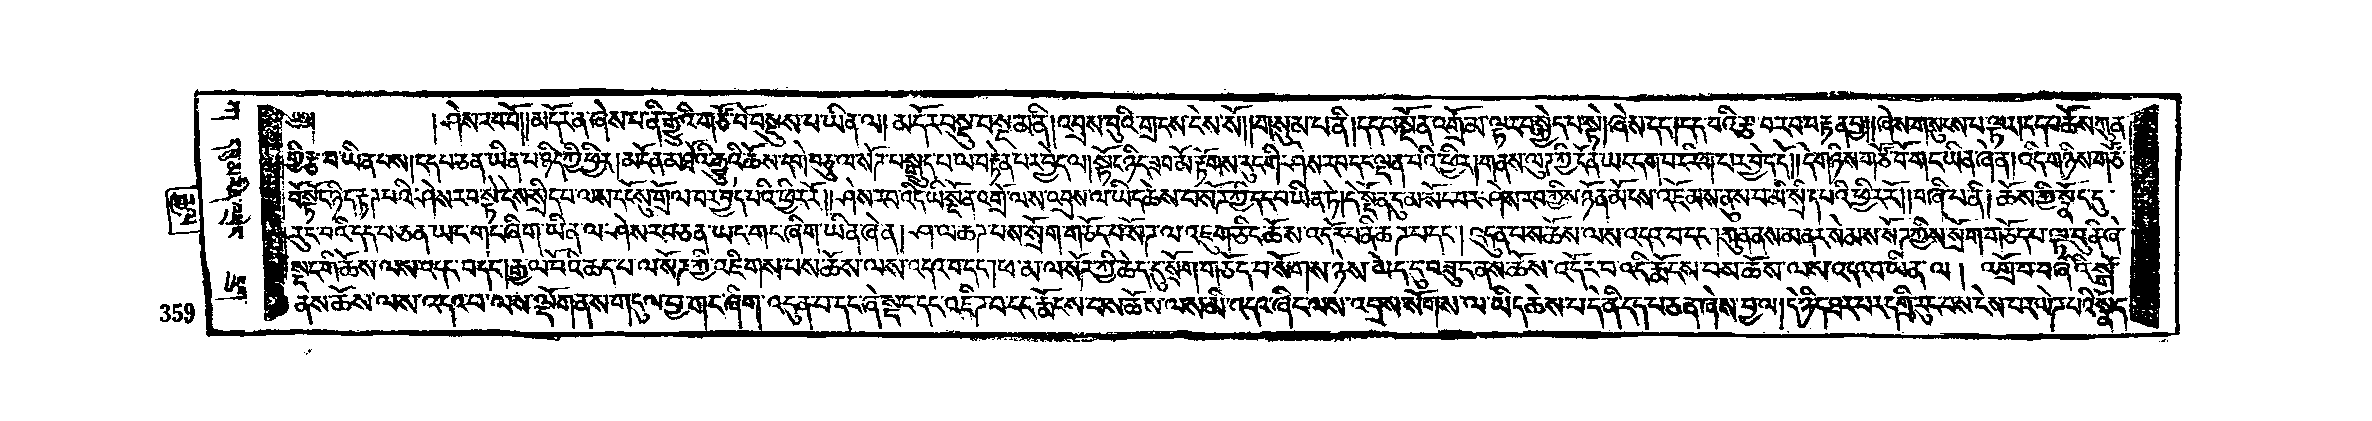༄༅། །ཤེས་རབ་བོ། །མདོར་ན་ཞེས་པ་ནི་རྒྱུའི་གཙོ་བོ་བསྡུས་པ་ཡིན་ལ། མདོར་བསྡུ་བ་སྔ་མ་ནི། འབྲས་བུའི་གྲངས་ངེས་སོ། །གསུམ་པ་ནི། དད་པ་སྔོན་འགྲོ་མ་ལྟར་བསྐྱེད་པ་སྟེ། ཞེས་དང་། དད་པའི་རྩ་བ་རབ་བརྟན་བྱ། །ཞེས་གསུངས་པ་ལྟར། དད་པ་ཆོས་ཀུན་
གྱི་རྩ་བ་ཡིན་པས། དད་པ་ཅན་ཡིན་པ་ཉིད་ཀྱི་ཕྱིར། མངོན་མཐོའི་རྒྱུའི་ཆོས་དགེ་བཅུ་ལ་སོགས་པ་སྒྲུད་པ་ལ་བརྟེན་པར་བྱེད་ལ། སྟོང་ཉིད་ཟབ་མོ་རྟོགས་རུང་གི་ཤེས་རབ་དང་ལྡན་པའི་ཕྱིར། གནས་ལུགས་ཀྱི་དོན་ཡང་དག་པར་རིག་པར་བྱེད་དོ། །དེ་གཉིས་གཙོ་བོ་གང་ཡིན་ཞེ་ན། འདི་གཉིས་གཙོ་
བོ་སྟོང་ཉིད་རྟགས་པའི་ཤེས་རབ་སྟེ་དེས་སྲིད་པ་ལས་དངོས་སུ་གྲོལ་བར་བྱེད་པའི་ཕྱིར་རོ། །ཤེས་རབ་འདི་ཡི་སྔོན་འགྲོ་ལས་འབྲས་ལ་ཡིད་ཆེས་པ་སོགས་ཀྱི་དད་པ་ཡིན་ཏེ། དེ་སྔོན་དུ་མ་སོང་བར་ཤེས་རབ་ཀྱིས་ཉོན་མོངས་འཇོམས་ནུས་པ་མི་སྲིད་པའི་ཕྱིར་རོ། །བཞི་པ་ནི། ཆོས་ཀྱི་སྣོད་དུ་
རུང་བའི་དད་པ་ཅན་ཡང་གང་ཞིག་ཡིན་ལ་ཤེས་རབ་ཅན་ཡང་གང་ཞིག་ཡིན་ཞེ་ན། ཤ་ལ་ཆགས་པས་སྲོག་གཅོད་པ་སོགས་ལ་འཇུག་ཅིང་ཆོས་འདོར་པ་ནི་ཆགས་པ་དང་། འདུན་པས་ཆོས་ལས་འདའ་བ་དང་། ཀུན་ནས་མནར་སེམས་སོགས་ཀྱིས་སྲོག་གཅོད་པ་ལྟ་བུ་ནི་ཞེ་
སྡང་གི་ཆོས་ལས་འདོད་པ་དང་། རྒྱལ་པོའི་ཆད་པ་ལ་སོགས་ཀྱི་འཇིགས་པས་ཆོས་ལས་འདའ་བ་དང་། ཕ་མ་ལ་སོགས་ཀྱི་ཆེད་དུ་སྲོག་གཅོད་པ་སོགས་ཉེས་མེད་དུ་བཟུང་ནས་ཆོས་འདོར་བ་འདི་རྨོངས་པས་ཆོས་ལས་འདའ་བ་ཡིན་ལ། འགྲོ་བ་བཞིའི་སྒོ་
ནས་ཆོས་ལས་འདའ་བ་ལས་ལྡོག་ནས་གདུལ་བྱ་གང་ཞིག་འདུན་པ་དང་ཞེ་སྡང་དང་འཇིགས་པ་དང་རྨོངས་པས་ཆོས་ལས་མི་འདའ་ཞིང་ལས་འབྲས་སོགས་ལ་ཡིད་ཆེས་པ་དེ་ནི་དད་པ་ཅན་ཞེས་བྱ་ལ། དེ་ཉིད་ཐར་པར་དགྲི་རུང་བས་ངེས་པར་ལེགས་པའི་སྣོད་